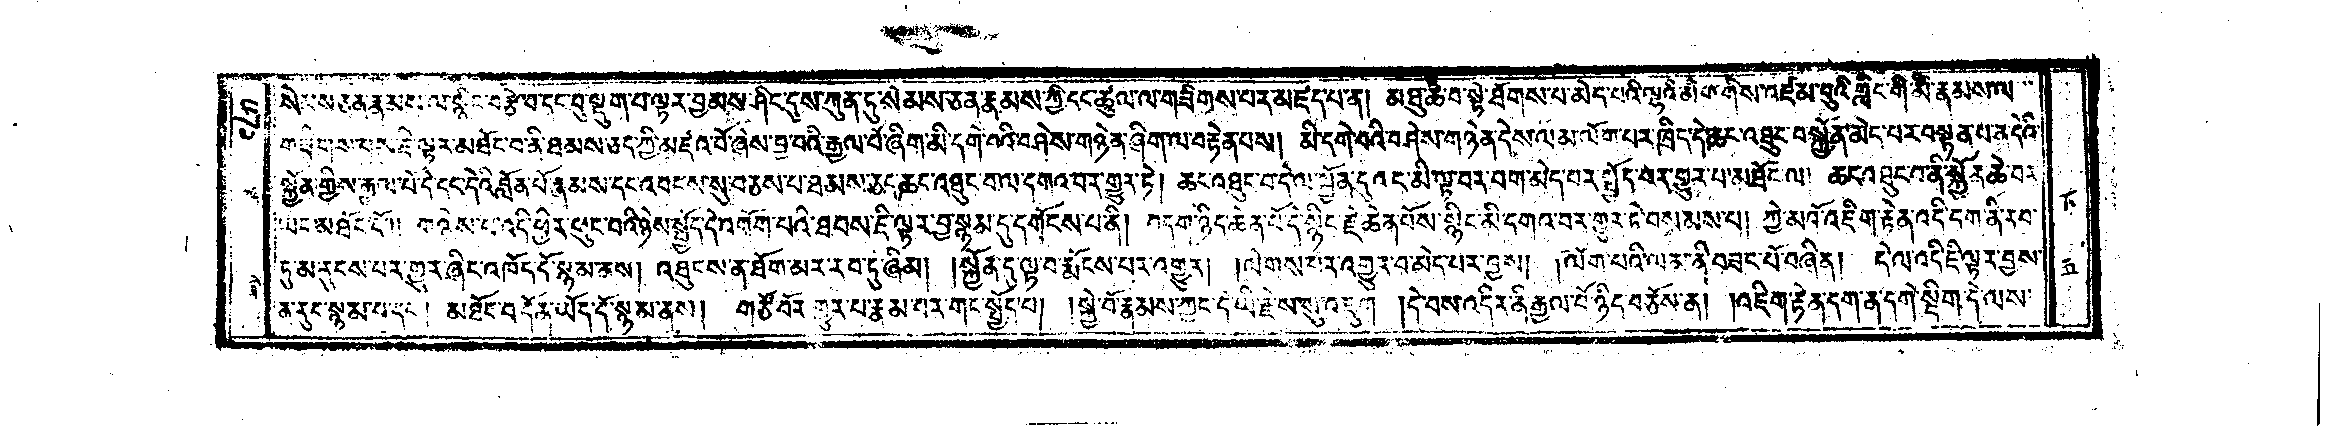སེམས་ཅན་རྣམས་ལ་སྙིང་བརྩེ་བ་དང་བུ་སྡུག་པ་ལྟར་བྱམས་ཤིང་དུས་ཀུན་ཏུ་སེམས་ཅན་རྣམས་ཀྱི་དང་ཚུལ་ལ་གཟིགས་པར་མཛད་པ་ན། མཐུ་ཆེ་བ་སྟེ་ཐོགས་པ་མེད་པའི་ལྷའི་མིག་གིས་འཛམ་བུའི་གླིང་གི་མི་རྣམས་ལ་
གཟིགས་པས་ཇི་ལྟར་མཐོང་བ་ནི་ཐམས་ཅད་ཀྱི་མཛའ་བོ་ཞེས་བྱ་བའི་རྒྱལ་པོ་ཞིག་མི་དགེ་བའི་བཤེས་གཉེན་ཞིག་ལ་བརྟེན་པས། མི་དགེ་བའི་བཤེས་གཉེན་དེས་ལམ་ལོག་པར་ཁྲིད་དེ་ཆང་འཐུང་བ་སྐྱོན་མེད་པར་བསྟན་པ་ན་དེའི་
སྐྱོན་གྱིས་རྒྱལ་པོ་དེ་དང་དེའི་བློན་པོ་རྣམས་དང་འབངས་སུ་བཅས་པ་ཐམས་ཅད་ཆང་འཐུང་བ་ལ་དགའ་བར་གྱུར་ཏེ། ཆང་འཐུང་བ་དེ་ལ་སྐྱོན་དུའང་མི་ལྟ་བར་བག་མེད་པར་སྤྱོད་པར་གྱུར་པ་མཐོང་ལ། ཆང་འཐུང་བ་ནི་སྐྱོན་ཆེ་བར་
ཡང་མཐོང་ངོ།། གཉིས་པ་འདི་ཕྱིར་ཕུང་བའི་ཉེས་སྤྱོད་དེ་འགོག་པའི་ཐབས་ཇི་ལྟར་བྱ་སྙམ་དུ་དགོངས་པ་ནི། བདག་ཉིད་ཆེན་པོ་དེ་སྙིང་རྗེ་ཆེན་པོས་སྙིང་མི་དགའ་བར་གྱུར་ཏེ་བསམས་པ། ཀྱེ་མའོ་འཇིག་རྟེན་འདི་དག་ནི་རབ་
ཏུ་མ་རུངས་པར་གྱུར་ཞིང་འཁོད་དོ་སྙམ་ནས། འཐུངས་ན་ཐོག་མར་རབ་ཏུ་ཞིམ། །སྐྱོན་དུ་ལྟ་བ་རྨོངས་པར་འགྱུར། །ལེགས་པར་འགྱུར་བ་མེད་པར་བྱས། །ལོག་པའི་ལམ་ནི་བཟང་པོ་བཞིན། དེ་ལ་འདི་ཇི་ལྟར་བྱས་
ན་རུང་སྙམ་པ་དང་། མཐོང་བ་དོན་ཡོད་དོ་སྙམ་ནས། གཙོ་བོར་གྱུར་པ་རྣམ་པར་གང་སྤྱོད་པ། །སྐྱེ་བོ་རྣམས་ཀྱང་དེ་ཡི་རྗེས་སུ་འཇུག །དེ་བས་འདིར་ནི་རྒྱལ་པོ་ཉིད་བཅོས་ན། །འཇིག་རྟེན་དག་ན་དགེ་སྡིག་དེ་ལས་